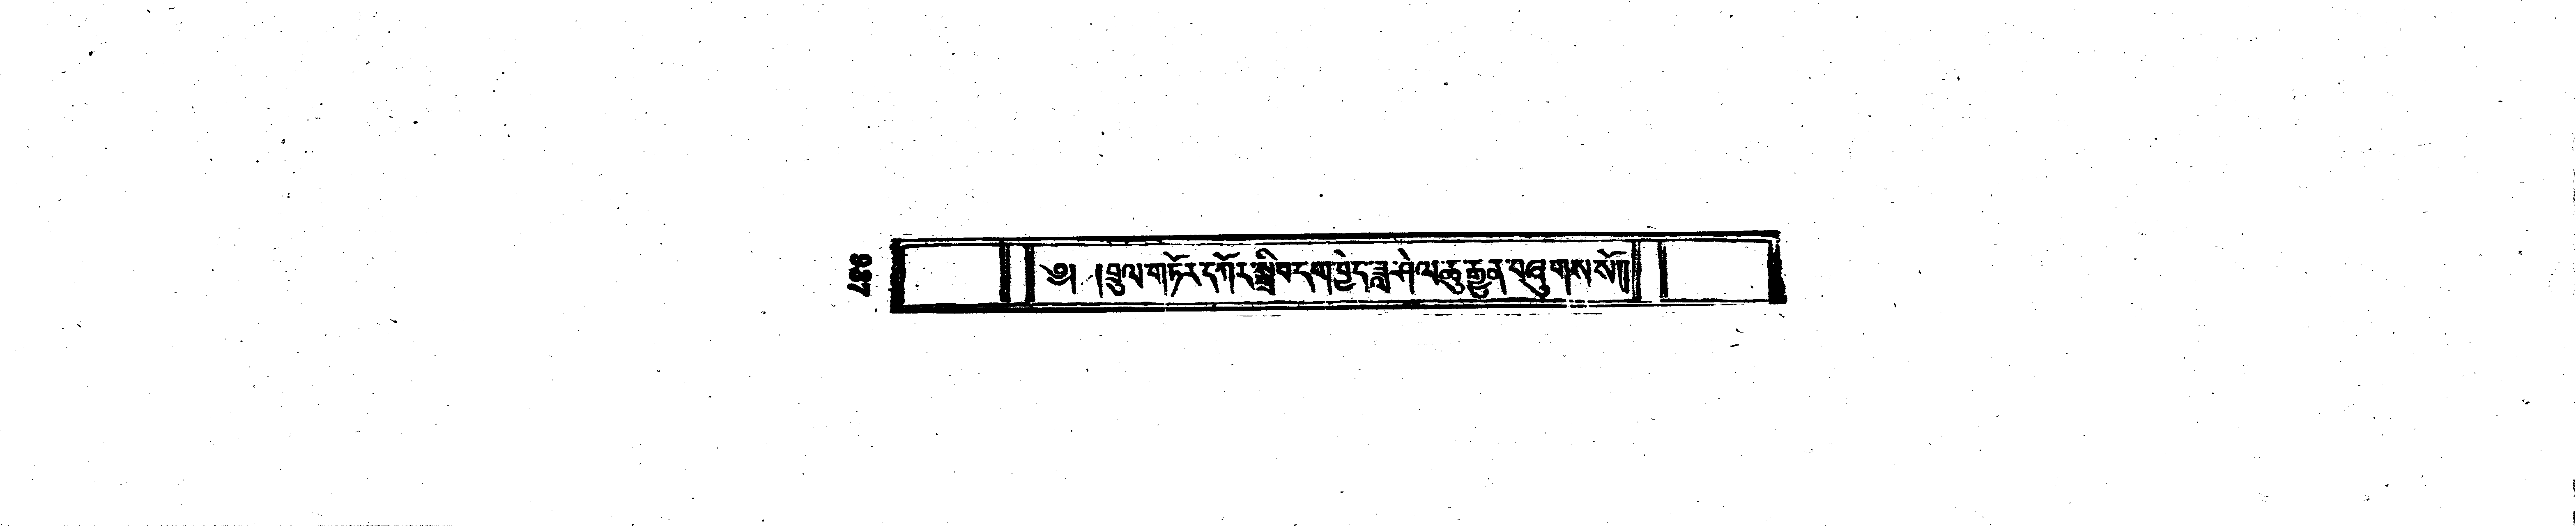༄༅། །བྲུལ་གཏོར་དཀོར་སྒྲིབ་དག་བྱེད་ཟླ་ཤེལ་ཆུ་རྒྱུན་བཞུགས་སོ།།